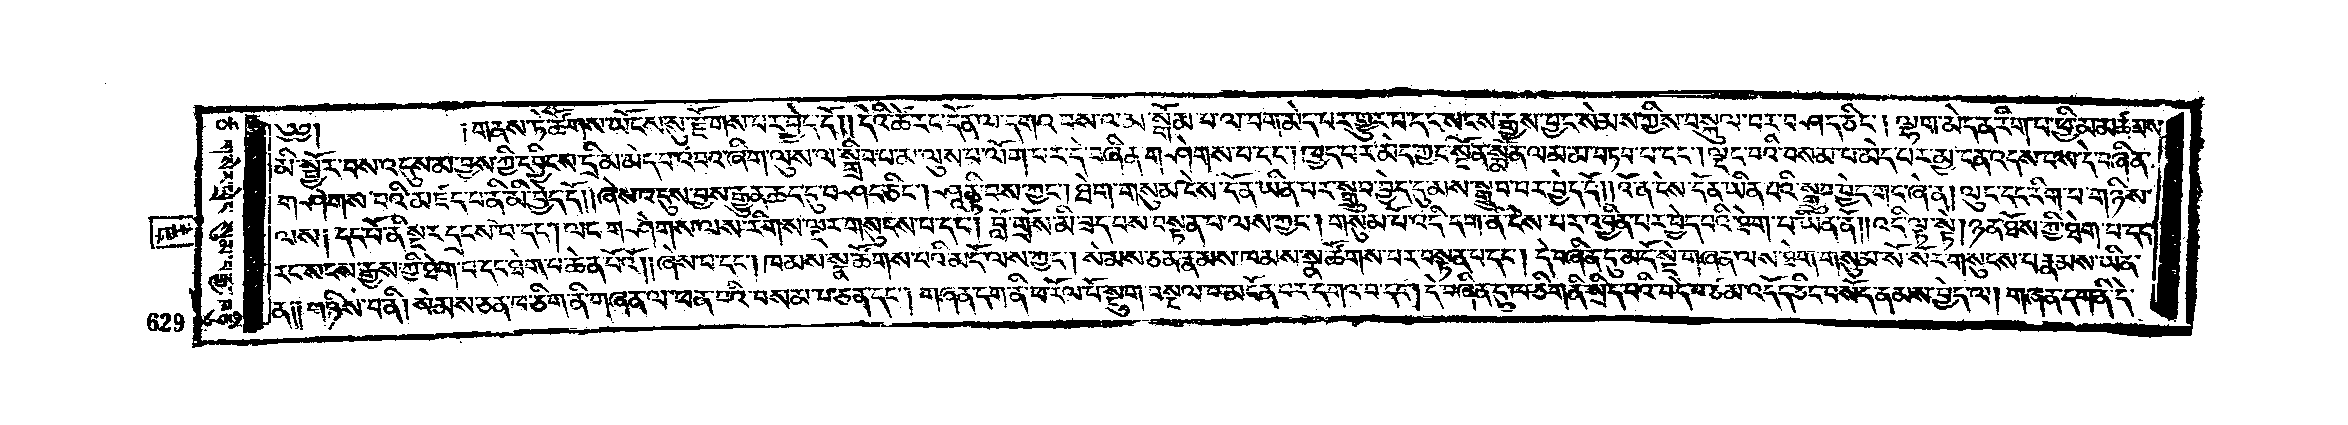༄༅། །གནས་ཏེ་ཚོགས་ཡོངས་སུ་རྫོགས་པར་བྱེད་དོ། །དེའི་ཚེ་རང་དོན་ལ་དགའ་བས་ལམ་སྒོམ་པ་ལ་བག་མེད་པར་གྱུར་པ་དང་སངས་རྒྱས་བྱང་སེམས་ཀྱིས་བསྐུལ་བར་བཤད་ཅིང་། ལྷག་མེད་ན་རིག་པ་ཕྱི་མ་མཚམས་
མི་སྦྱོར་བས་འདུས་མ་བྱས་ཀྱི་དབྱིངས་དྲི་མ་མེད་པ་འབའ་ཞིག་ལུས་ལ་སྒྲིབ་པ་མ་ལུས་པ་ལོག་པར་དེ་བཞིན་གཤེགས་པ་དང་། ཁྱད་པར་མེད་ཀྱང་སྔོན་སྨོན་ལམ་མ་བཏབ་པ་དང་། ལྡང་བའི་བསམ་པ་མེད་པར་མྱ་ངན་འདས་པས་དེ་བཞིན་
གཤེགས་པའི་མཛད་པ་ནི་མི་བྱེད་དོ། །ཞེས་འདུས་བྱས་རྒྱུན་ཆད་དུ་བཤད་ཅིང་། ཤཱནྟི་པས་ཀྱང་། ཐེག་གསུམ་ངེས་དོན་ཡིན་པར་སྒྲུབ་བྱེད་དུ་མས་སྒྲུབ་པར་བྱེད་དོ། །འོ་ན་ངེས་དོན་ཡིན་པའི་སྒྲུབ་བྱེད་གང་ཞེ་ན། ལུང་དང་རིག་པ་གཉིས་
ལས། དང་པོ་ནི་སྔར་དྲངས་པ་དང་། ལང་གཤེགས་ལས་རིགས་ལྔར་གསུངས་པ་དང་། བློ་གྲོས་མི་ཟད་པས་བསྟན་པ་ལས་ཀྱང་། གསུམ་པོ་འདི་དག་ནི་ངེས་པར་འབྱིན་པར་བྱེད་པའི་ཐེག་པ་ཡིན་ནོ། །འདི་ལྟ་སྟེ། ཉན་ཐོས་ཀྱི་ཐེག་པ་དང་
རང་སངས་རྒྱས་ཀྱི་ཐེག་པ་དང་ཐེག་པ་ཆེན་པོའོ། །ཞེས་པ་དང་། ཁམས་སྣ་ཚོགས་པའི་མདོ་ལས་ཀྱང་། སེམས་ཅན་རྣམས་ཁམས་སྣ་ཚོགས་པར་བསྟན་པ་དང་། དེ་བཞིན་དུ་མདོ་སྡེ་གཞན་ལས་ཐེག་གསུམ་སོ་སོར་གསུངས་པ་རྣམས་ཡིན་
ནོ། །གཉིས་པ་ནི། སེམས་ཅན་ཁ་ཅིག་ནི་གཞན་ལ་ཕན་པའི་བསམ་པ་ཅན་དང་། གཞན་དག་ནི་ཕ་རོལ་པོ་སྡུག་བསྔལ་བ་མངོན་པར་དགའ་བ་དང་། དེ་བཞིན་དུ་ཁ་ཅིག་ནི་སྲིད་པའི་བདེ་བ་ཙམ་འདོད་ཅིང་བསོད་ནམས་བྱེད་ལ། གཞན་དག་ནི་དེ་